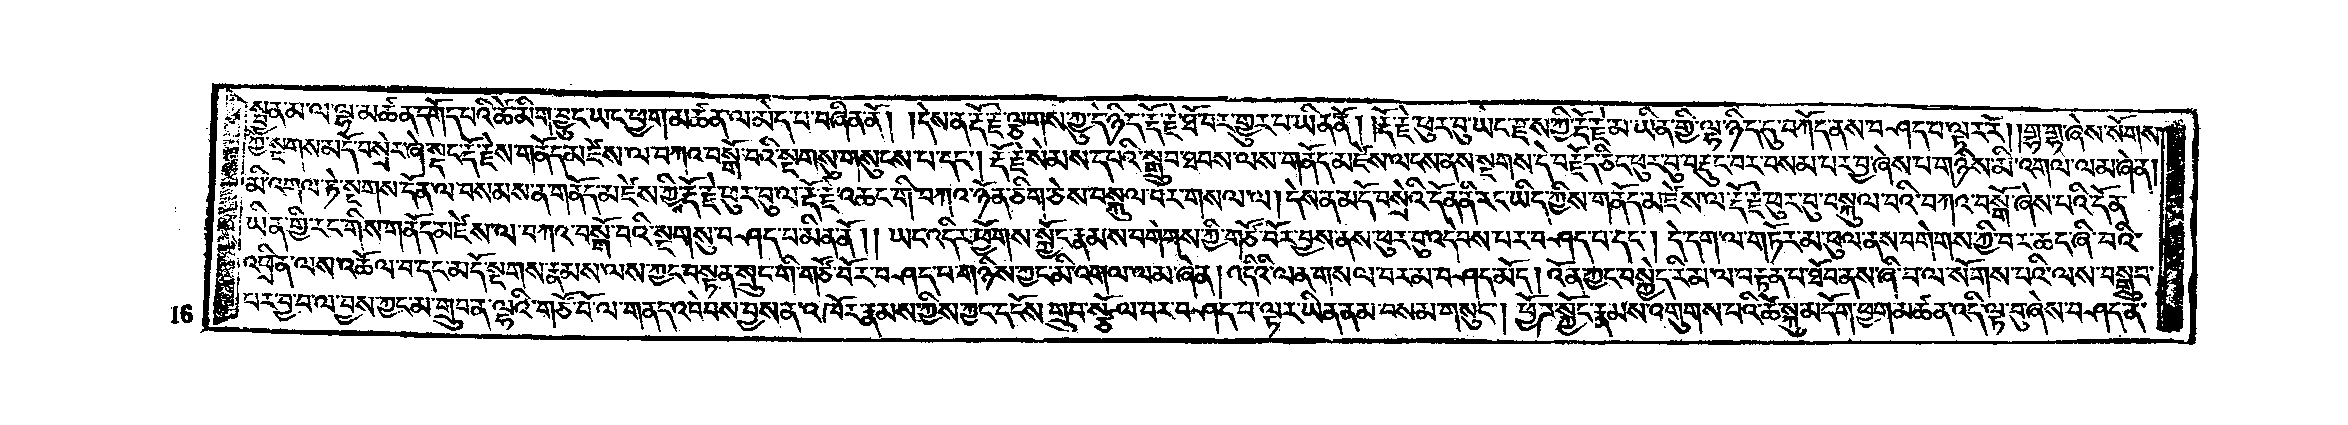སྤྱན་མ་ལ་ལྷ་མཚན་དགོད་པའི་ཚེ་མིག་བྱུང་ཡང་ཕྱག་མཚན་ལ་མེད་པ་བཞིན་ནོ། །དེས་ན་རྡོ་རྗེ་ལྕགས་ཀྱུ་དེ་ཉིད་རྡོ་རྗེ་ཐོ་བར་གྱུར་པ་ཡིན་ནོ། །རྡོ་རྗེ་ཕུར་བུ་ཡང་རྫས་ཀྱི་རྡོ་རྗེ་མ་ཡིན་གྱི་ལྷ་ཉིད་དུ་བཀོད་ནས་བཤད་པ་ལྟར་རོ། །གྷ་གྷ་ཞེས་སོགས་
ཀྱི་སྔགས་མདོ་བསྲེར་ཞེ་སྡང་རྡོ་རྗེས་གནོད་མཛེས་ལ་བཀའ་བསྒོ་བའི་སྔགས་སུ་གསུངས་པ་དང་། རྡོ་རྗེ་སེམས་དཔའི་སྒྲུབ་ཐབས་ལས་གནོད་མཛེས་ལངས་ནས་སྔགས་དེ་བརྗོད་ཅིང་ཕུར་བུ་བརྡུང་བར་བསམ་པར་བྱ་ཞེས་པ་གཉིས་མི་འགལ་ལམ་ཞེ་ན།
མི་འགལ་ཏེ་སྔགས་དོན་ལ་བསམས་ན་གནོད་མཛེས་ཀྱིས་རྡོ་རྗེ་ཕུར་བུ་ལ་རྡོ་རྗེ་འཆང་གི་བཀའ་ཉོན་ཅིག་ཅེས་བསྐུལ་བར་གསལ་ལ། དེས་ན་མདོ་བསྲེའི་དོན་ནི་རང་ཡིད་ཀྱིས་གནོད་མཛེས་ལ་རྡོ་རྗེ་ཕུར་བུ་བསྐུལ་བའི་བཀའ་བསྒོ་ཞེས་པའི་དོན་
ཡིན་གྱི་རང་གིས་གནོད་མཛེས་ལ་བཀའ་བསྒོ་བའི་སྔགས་སུ་བཤད་པ་མིན་ནོ། །ཡང་འདིར་ཕྱོགས་སྐྱོང་རྣམས་བགེགས་ཀྱི་གཙོ་བོར་བྱས་ནས་ཕུར་བུ་འདེབས་པར་བཤད་པ་དང་། དེ་དག་ལ་གཏོར་མ་ཕུལ་ནས་བགེགས་ཀྱི་བར་ཆད་ཞི་བའི་
འཕྲིན་ལས་འཆོལ་བ་དང་མདོ་སྔགས་རྣམས་ལས་ཀྱང་བསྟན་སྲུང་གི་གཙོ་བོར་བཤད་པ་གཉིས་ཀྱང་མི་འགལ་ལམ་ཞེ་ན། འདིའི་ལན་གསལ་བར་མ་བཤད་མོད། འོན་ཀྱང་བསྐྱེད་རིམ་ལ་བརྟན་པ་ཐོབ་ནས་ཞི་བ་ལ་སོགས་པའི་ལས་བསྒྲུབ་
པར་བྱ་བ་ལ་བྱས་ཀྱང་མ་གྲུབ་ན་ལྷའི་གཙོ་བོ་ལ་གནད་འབེབས་བྱས་ན་འཁོར་རྣམས་ཀྱིས་ཀྱང་དངོས་གྲུབ་སྩོལ་བར་བཤད་པ་ལྟར་ཡིན་ནམ་བསམ་གསུང་། ཕྱོགས་སྐྱོང་རྣམས་འགུགས་པའི་ཚེ་སྐུ་མདོག་ཕྱག་མཚན་འདི་ལྟ་བུ་ཞེས་བཤད་ན་